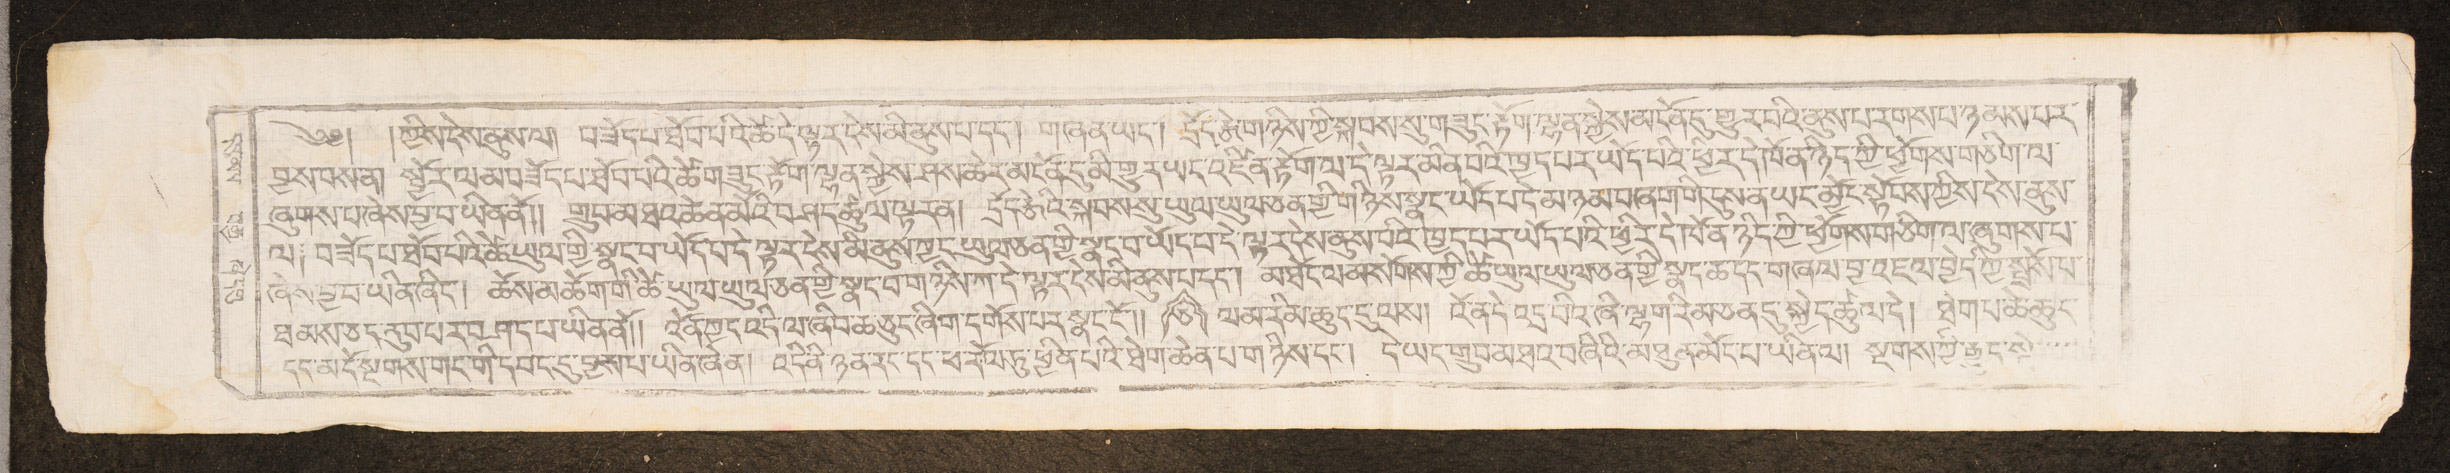༄༅། །ཀྱིས་དེས་ནུས་ལ། བཟོད་པ་ཐོབ་པའི་ཚེ་དེ་ལྟར་ངེས་ནི་ནུས་པ་དང་། གཞན་ཡང་། དྲོད་རྩེ་གཉིས་ཀྱི་སྐབས་སུ་གཟུང་རྟོག་ལྷན་སྐྱེས་མངོན་དུ་གྱུར་བའི་ནུས་པ་རགས་པ་ཉམས་པར་
བྱས་པས་ན། སྦྱོར་ལམ་བཟོད་པ་ཐོབ་པའི་ཚེ་གཟུང་རྟོག་ལྷན་སྐྱེས་ཤས་ཆེར་མངོན་དུ་མི་གྱུར་ཡང་འཛིན་རྟོག་ལ་དེ་ལྟར་མིན་པའི་ཁྱད་པར་ཡོད་པའི་ཕྱིར་དེ་ཁོ་ན་ཉིད་ཀྱི་ཕྱོགས་གཅིག་ལ་
ཞུགས་པ་ཞེས་བྱ་བ་ཡིན་ནོ།། གྲུབ་མཐའ་ཆེན་མོའི་བཤད་ཚུལ་ལྟར་ན། དྲོད་རྩེའི་སྐབས་སུ་ཡུལ་ཡུལ་ཅན་གྱི་གཉིས་སྣང་ཡོད་དེ་མཉམ་བཞག་གི་དུས་ན་མྱོང་སྟོབས་ཀྱིས་དེས་ནུས་
ལ༑ བཟོད་པ་ཐོབ་པའི་ཚེ་ཡུལ་གྱི་སྣང་བ་ཡོད་པ་དེ་ལྟར་ངེས་མི་ནུས་ཀྱང་ཡུལ་ཅན་གྱི་སྣང་བ་ཡོད་པ་དེ་ལྟར་དེས་ནུས་པའི་ཁྱད་པར་ཡོད་པའི་ཕྱིར་དེ་ཁོ་ན་ཉིད་ཀྱི་ཕྱོགས་གཅིག་ལ་ཞུགས་པ་
ཞེས་བྱ་བ་ཡིན་ཞིང་། ཆོས་མཆོག་གི་ཚེ་ཡུལ་ཡུལ་ཅན་གྱི་སྣང་བ་གཉིས་ཀ་དེ་ལྟར་ངེས་མི་ནུས་པ་དང་། མཐོང་ལམ་སོགས་ཀྱི་ཚེ་ཡུལ་ཡུལ་ཅན་གྱི་སྣད་ཆ་དང་གཞལ་བྱ་འཇལ་བྱེད་ཀྱི་སྤྲོས་པ་
ཐམས་ཅད་ནུབ་པར་བཤད་པར་ཡིན་ནོ།། འོན་ཀྱང་འདི་ལ་ཞིབ་ཆ་ཅུང་ཞིག་དགོས་པར་སྣང་ངོ།། ༼༽ཅ༼༽ ལམ་རིམ་ཆུང་ངུ་ལས། འོ་ན་དེ་འདྲ་བའི་ཞི་ལྷག་རིམ་ཅན་དུ་སྐྱེད་ཚུལ་དེ། ཐེག་པ་ཆེ་ཆུང་
དང་མདོ་སྔགས་གང་གི་དབང་དུ་བྱས་པ་ཡིན་ཞེ་ན། འདི་ནི་ཉན་རང་དང་ཕ་རོལ་ཏུ་ཕྱིན་པའི་ཐེག་ཆེན་པ་གཉིས་དང་། དེ་ཡང་གྲུབ་མཐའ་བཞིའི་མཐུན་མོང་པ་ཡིན་ལ། སྔགས་ཀྱི་རྒྱུད་སྡེ་